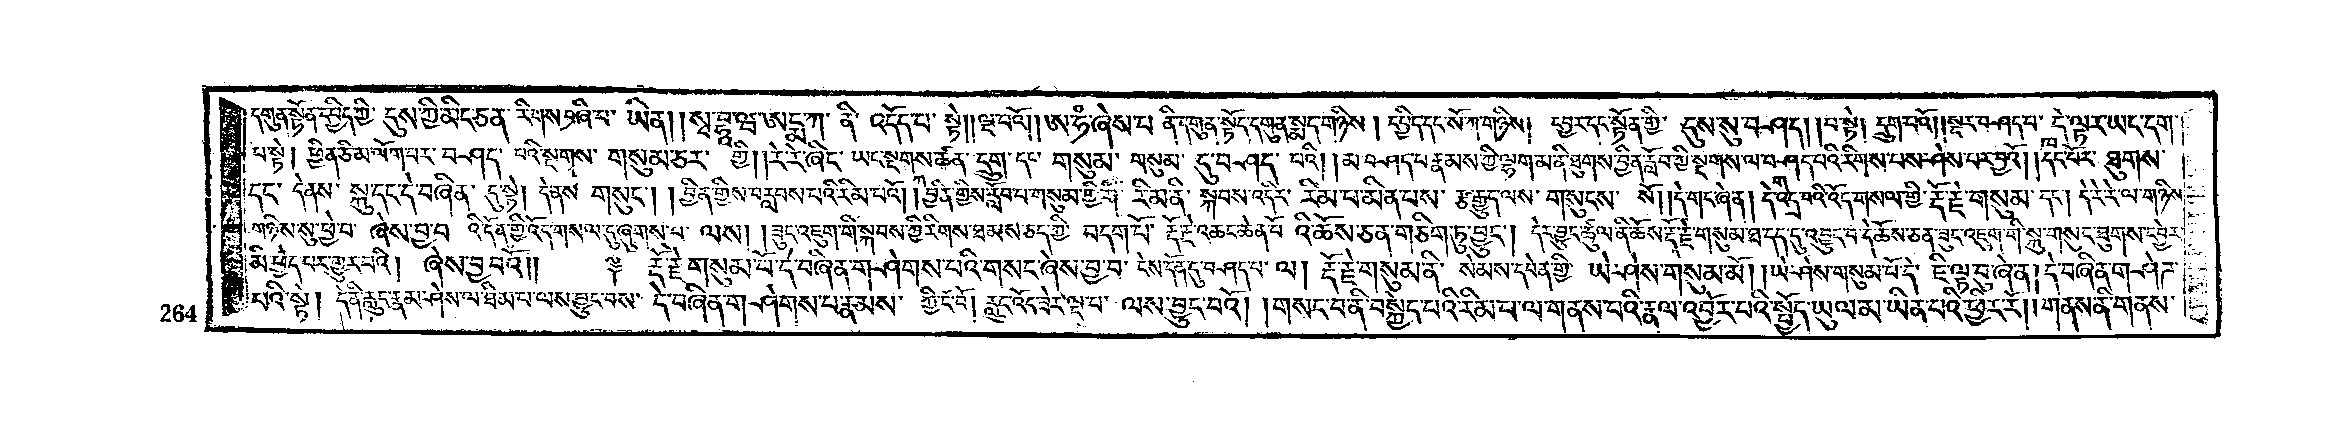དགུན་སྟོན་དཔྱིད་ཀྱི་དུས་ཀྱི་མིང་ཅན་རིགས་བཞི་པ་ཡིན། །སྭ་བྷཱ་ཝ་ཨདམ་ཀ་ནི་འདོད་པ་སྟེ། །ལྔ་པའོ། །ཨ་ཧཾ་ཞེས་པ་ནི་དགུན་སྟོད་དགུན་སྨད་གཉིས། དཔྱིད་དང་སོ་ཀ་གཉིས། དབྱར་དང་སྟོན་གྱི་དུས་སུ་བཤད། ། པ་སྟེ། དྲུག་པའོ། །སྔར་བཤད་པ་དེ་ལྟར་ཡང་དག་
པ་སྟེ། ཕྱིན་ཅི་མ་ལོག་པར་བཤད་པའི་སྔགས་གསུམ་ཅར་གྱི། །རེ་རེ་ཞིང་ཡང་སྔགས་ཚན་དྲུག་དང་གསུམ་གསུམ་དུ་བཤད་པའི། །མ་བཤད་པ་རྣམས་ཀྱི་ལྷག་མ་ནི་ཐུགས་བྱིན་རློབ་ཀྱི་སྔགས་ལ་བཤད་པའི་རིགས་པས་ཤེས་པར་བྱའོ། །ཁ་དང་པོར་ཐུགས་
དང་དེ་ནས་སྐུ་དང་དེ་བཞིན་དུ་སྟེ། དེ་ནས་གསུང་། ། བྱིན་གྱིས་བརླབས་པའི་རིམ་པའོ། །ཀ་བྱིན་གྱིས་རློབ་པ་གསུམ་གྱི་གོ་རིམ་ནི་སྐབས་འདིར་རིམ་པ་མིན་པས་རྩ་རྒྱུད་ལས་གསུངས་སོ། །དེ་གང་ཞེ་ན། ག་དེ་འདྲ་བའི་འོད་གསལ་གྱི་རྡོ་རྗེ་གསུམ་དང་། དེ་རེ་རེ་ལ་གཉིས་
གཉིས་སུ་ཕྱེ་བ་ཞེས་བྱ་བའི་དོན་གྱི་འོད་གསལ་དུ་ཞུགས་པ་ལས། ། ཟུང་འཇུག་གི་སྐབས་ཀྱི་རིགས་ཐམས་ཅད་ཀྱི་བདག་པོ་རྡོ་རྗེ་འཆང་ཆེན་པོའི་ཆོས་ཅན་གཅིག་ཏུ་བྱུང་། དེར་བྱུང་ཚུལ་ནི་ཆོས་རྡོ་རྗེ་གསུམ་ཐ་དད་དུ་འབྱུང་བ་དེ་ཆོས་ཅན་ཟུང་འཇུག་གི་སྐུ་གསུང་ཐུགས་དབྱེར་
མི་ཕྱེད་པར་གྱུར་པའོ། ཞེས་བྱ་བའོ།། ༈ རྡོ་རྗེ་གསུམ་པོ་དེ་བཞིན་གཤེགས་པའི་གསང་ཞེས་བྱ་བ་ངེས་དོན་དུ་བཤད་པ་ལ། རྡོ་རྗེ་གསུམ་ནི་སེམས་དབེན་གྱི་ཡེ་ཤེས་གསུམ་མོ། ། ཡེ་ཤེས་གསུམ་པོ་དེ་ཇི་ལྟ་བུ་ཞེ་ན། དེ་བཞིན་གཤེགས་
པའི་སྟེ། དེ་ནི་རླུང་རྣམ་ཤེས་ལ་ཐིམ་པ་ལས་བྱུང་བས་དེ་བཞིན་གཤེགས་པ་རྣམས་ཀྱི་ངོ་བོ། རླུང་འོད་ཟེར་ལྔ་པ་ལས་བྱུང་བའོ། །གསང་བ་ནི་བསྐྱེད་པའི་རིམ་པ་ལ་གནས་པའི་རྣལ་འབྱོར་པའི་སྤྱོད་ཡུལ་མ་ཡིན་པའི་ཕྱིར་རོ། །གནས་ནི་གནས་